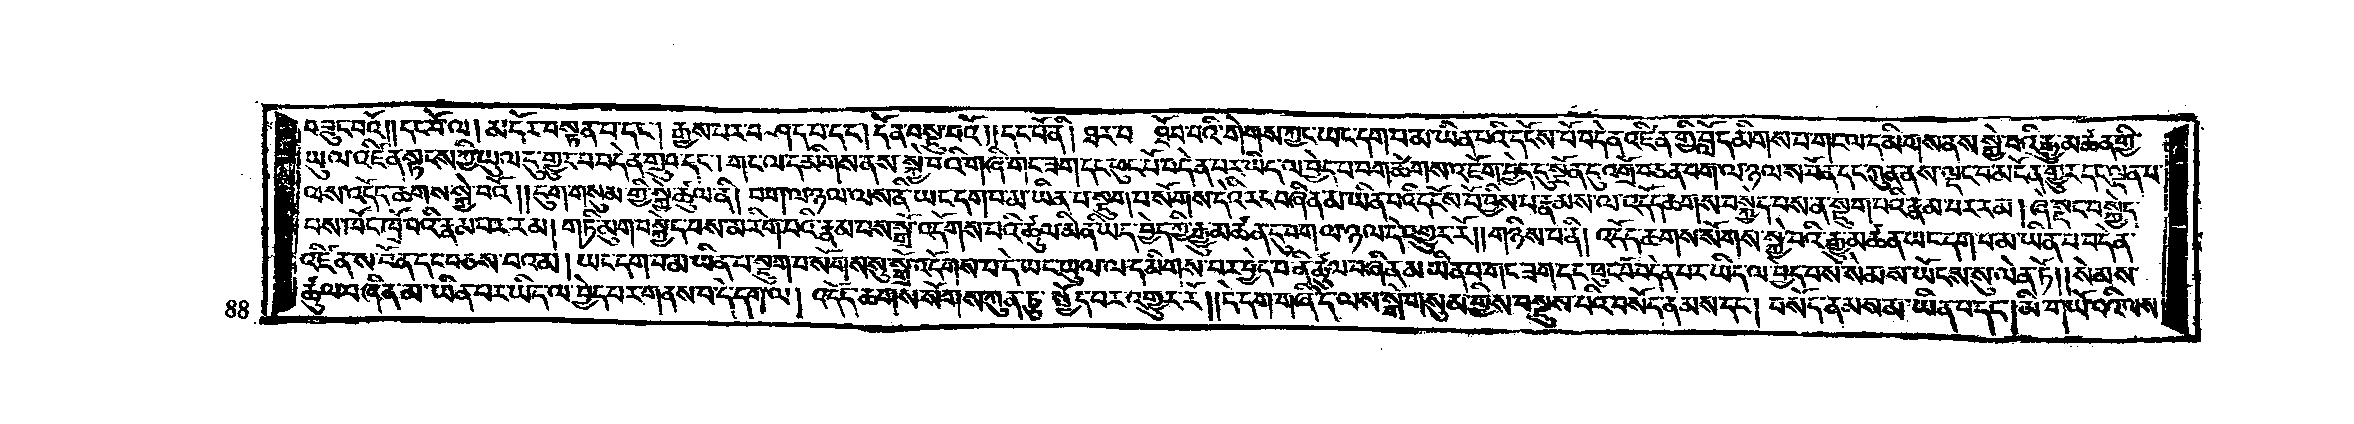བཟུང་བའོ། །དང་པོ་ལ། མདོར་བསྟན་པ་དང་། རྒྱས་པར་བཤད་པ་དང་། དོན་བསྡུ་བའོ། །དང་པོ་ནི། ཐར་པ་ཐོབ་པའི་གེགས་ཀྱང་ཡང་དག་པ་མ་ཡིན་པའི་དངོས་པོ་བདེན་འཛིན་གྱི་བློ་དམིགས་པ་གང་ལ་དམིགས་ནས་སྐྱེ་བའི་རྒྱུ་མཚན་གྱི་
ཡུལ་འཛིན་སྟངས་ཀྱི་ཡུལ་དུ་གྱུར་པ་བདེན་གྲུབ་དང་། གང་ལ་དམིགས་ནས་སྐྱེ་བའི་གཞི་གང་ཟག་དང་ཕུང་པོ་བདེན་པར་ཡིད་ལ་བྱེད་པ་བག་ཚེགས་འཇོག་བྱེད་དུ་སྔོན་དུ་འགྲོ་བ་ཅན་བག་ལ་ཉལ་ས་བོན་དང་ཀུན་ནས་ལྡང་བ་མངོན་གྱུར་དང་ལྡན་པ་
ལས་འདོད་ཆགས་སྐྱེ་བའོ། །དུག་གསུམ་གྱི་སྐྱེ་ཚུལ་ནི། བག་ལ་ཉལ་ལས་ནི་ཡང་དག་པ་མ་ཡིན་པ་སྡུག་པ་སོགས་དེའི་རང་བཞིན་མ་ཡིན་པའི་དངོས་པོ་བྱིས་པ་རྣམས་ལ་འདོད་ཆགས་བསྐྱེད་པས་ན་སྡུག་པའི་རྣམ་པར་རམ། ཞེ་སྡང་བསྐྱེད་
པས་ཁོང་ཁྲོ་བའི་རྣམ་པར་རམ། གཏི་མུག་བསྐྱེད་པས་མ་རིག་པའི་རྣམ་པས་སྒྲོ་འདོགས་པའི་ཚུལ་མིན་ཡིད་བྱེད་ཀྱི་རྒྱུ་མཚན་དུ་བག་ལ་ཉལ་དེ་འགྱུར་རོ། །གཉིས་པ་ནི། འདོད་ཆགས་སོགས་སྐྱེ་བའི་རྒྱུ་མཚན་ཡང་དག་པ་མ་ཡིན་པ་བདེན་
འཛིན་ས་བོན་དང་བཅས་པའམ། ཡང་དག་པ་མ་ཡིན་པ་སྡུག་པ་སོགས་སུ་སྒྲོ་འདོགས་པ་དེ་ཡང་ཡུལ་ལ་དིགས་པར་བྱེད་པ་ཨི་ཚུལ་བཞིན་མ་ཡིན་པ་གང་ཟག་དང་ཕུང་པོ་བདེན་པར་ཡིད་ལ་བྱེད་པས་སེམས་ཡོངས་སུ་ལེན་ཏོ། །སེམས་
ཚུལ་བཞིན་མ་ཡིན་པར་ཡིད་ལ་བྱེད་པར་གནས་པ་དེ་དག་ལ། འདོད་ཆགས་སོགས་ཀུན་ཏུ་སྤྱོད་པར་འགྱུར་རོ། །དེ་དག་གཞི་དེ་ལས་སྒོ་གསུམ་གྱིས་བསྡུས་པའི་བསོད་ནམས་དང་། བསོད་ནམས་མ་ཡིན་པ་དང་། མི་གཡོ་བའི་ལས་